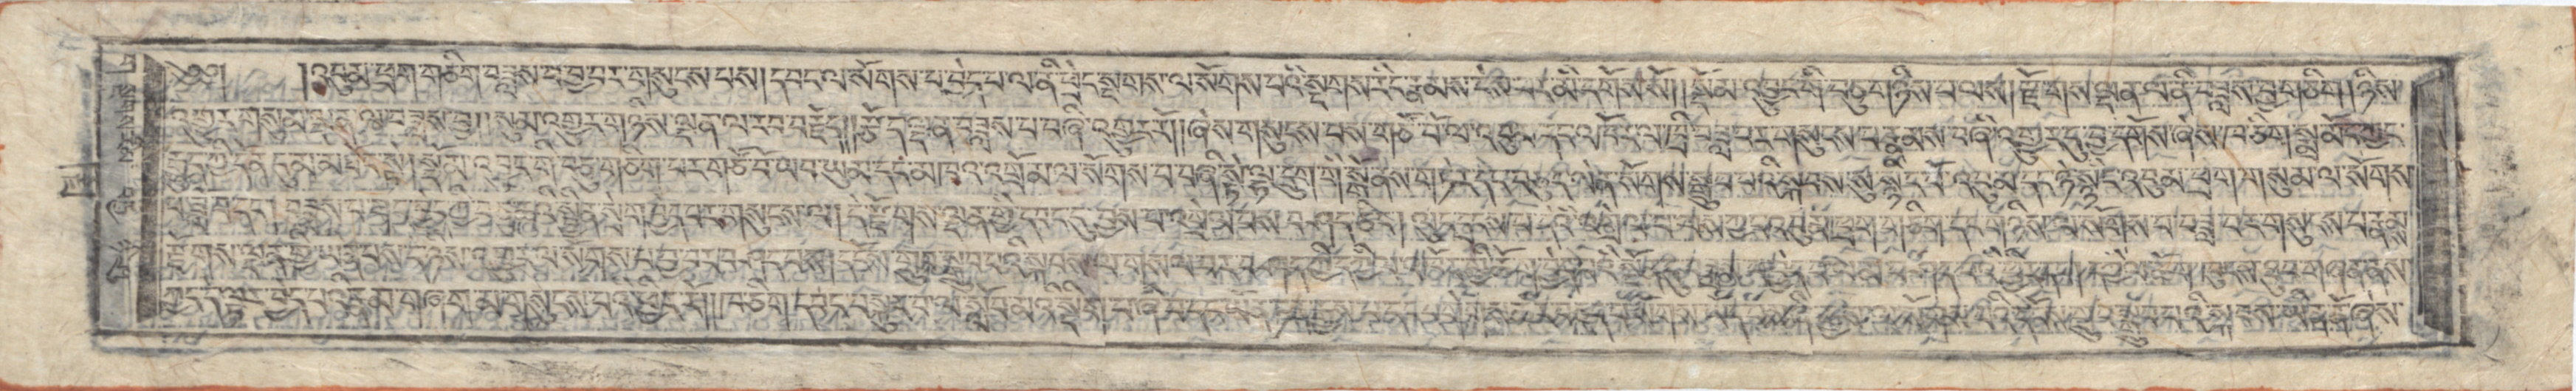༄༅། །འབུམ་ཕྲ་གཅིག་བཟླས་པ་བྱ་བར་གསུངས་པས། དབང་ལ་སོགས་པ་བྱེད་པ་ལ་ནི་ཕྲེང་སྔགས་ལ་སོགས་པའི་སྔགས་རིང་རྣམས་ངེས་པར་མི་དགོས་སོ། །སྡོམ་འབྱུང་གི་བཅུ་གཉིས་པ་ལས། རྫོགས་ལྡན་ལ་ནི་བཟླས་བྱ་གཅིག །ཉིས་
འགྱུར་གསུམ་ལྡན་ལ་བཟླས་བྱ། །སུམ་འགྱུར་གཉིས་ལྡན་ལ་རབ་བརྗོད། །རྩོད་ལྡན་བཟླས་པ་བཞི་འགྱུར་རོ། །ཞེས་གསུངས་པས་གཙོ་བོ་ལ་འབུམ་དང་འཁོར་ལ་ཁྲི་བཟླ་བར་གསུངས་པ་རྣམས་བཞི་འགྱུར་དུ་བྱ་དགོས་ཞེས་ཁ་ཅིག་སྨྲ་མོད་ཀྱང་
རྒྱུད་ཀྱི་དོན་དུ་མ་མཐོང་སྟེ། སྡོམ་འབྱུང་གི་བཅུ་གཅིག་པར་གཙོ་བོ་ཡབ་ཡུམ་དང་མཁའ་འགྲོ་མ་ལ་སོགས་པ་བཞི་སྟེ་ལྷ་དྲུག་གི་སྒོ་ནས་གཏེར་དང་བཅུད་ལེན་སོགས་སྒྲུབ་པའི་སྐབས་སུ་སྙིང་པོ་འབུམ་དང་ཉེ་སྙིང་འབུམ་ཕྲག་གསུམ་ལ་སོགས་
པ་ཟློ་བ་དང་། བཟླས་པ་གང་བྱེད་ཀྱི་བཅུ་ཆའི་སྦྱིན་སྲེག་བྱེད་པར་གསུངས་ལ། དེ་རྫོགས་ལྡན་གྱི་དབང་དུ་བྱས་པ་འགྲེལ་པས་བཤད་ཅིང་། ལུང་དྲངས་པ་དེའི་འགྲེལ་པ་ལས་ཀྱང་འབུམ་ཕྲག་གཅིག་དང་གཉིས་ལ་སོགས་པ་བཟླ་བར་གསུངས་པ་རྣམས་
རྫོགས་ལྡན་གྱི་ཡིན་པས་དེ་ཉིས་འགྱུར་ལ་སོགས་པ་བྱ་བར་བཤད་པས། དངོས་གྲུབ་སྒྲུབ་པའི་སྐབས་ལ་གསལ་བར་བཤད་ཀྱི་དཀྱིལ་འཁོར་གྱི་ཆོ་ག་བྱེད་པའི་སྔོན་དུ་བཟླས་པ་བྱེད་པ་ལ་མ་བཤད་པའི་ཕྱིར་དང་། དཀྱིལ་ཆོག་ཁུངས་ཐུབ་གཞན་ནས་
ཀྱང་དེ་ལྟར་བྱེད་པའི་རྣམ་གཞག་མ་གསུངས་པའི་ཕྱིར་རོ། །ཁ་ཅིག་དབང་བསྐུར་བ་ལ་སློབ་མའི་སྡིག་པ་ཞི་བ་དང་ཡོན་ཏན་རྒྱས་པ་དང་བགེགས་ཚར་བཅད་པ་སོགས་ཡོད་པས་ཞི་རྒྱས་ལ་སོགས་པའི་དངོས་གྲུབ་སྒྲུབ་པའི་སྐབས་ཡིན་ནོ་ཞེས་